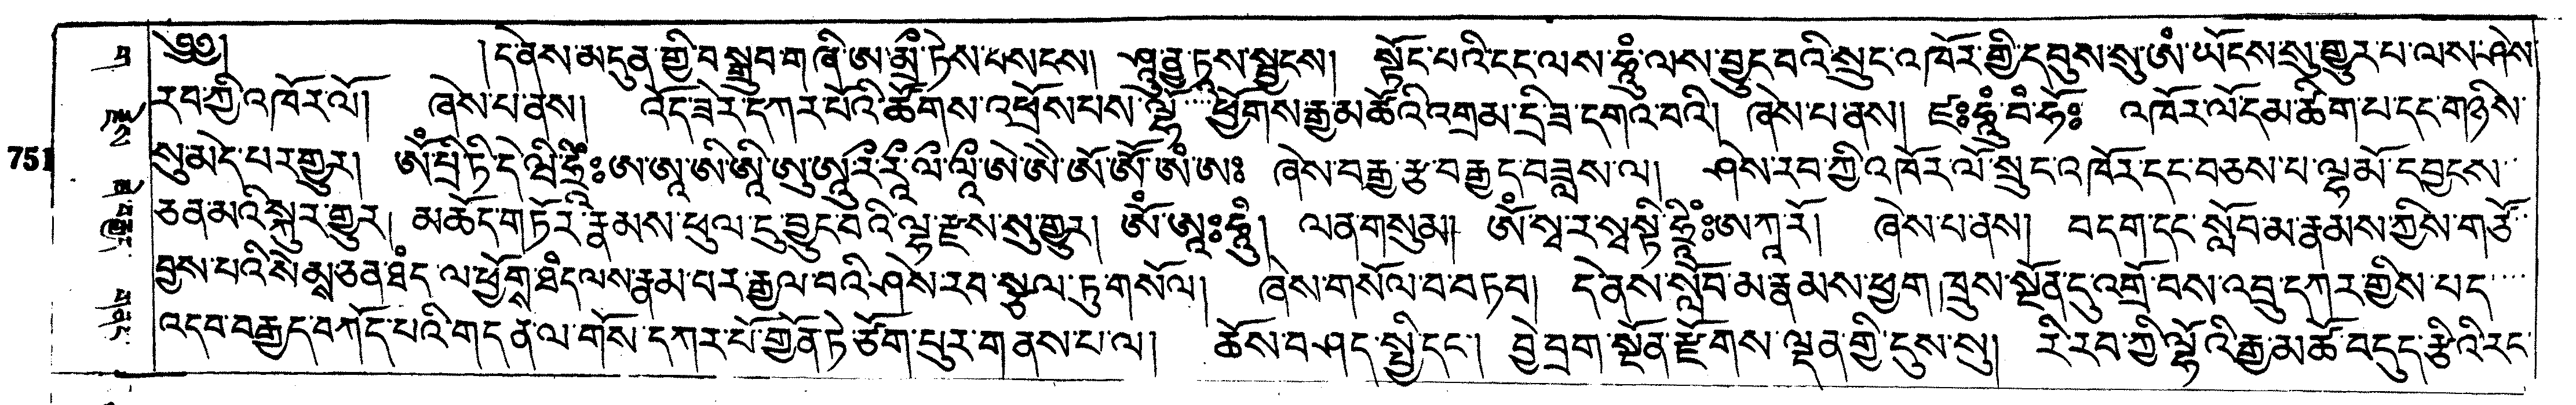དེ་ནས་མདུན་གྱི་བསྒྲུབ་གཞི་ཨ་མྲྀ་ཏེས་བསངས། ཤཱུ་ནྱ་ཏས་སྦྱངས། སྟོང་པའི་ངང་ལས་ཧཱུཾ་ལས་བྱུང་བའི་སྲུང་འཁོར་གྱི་དབུས་སུ་ཨཾ་ཡོངས་སུ་གྱུར་པ་ལས་ཤེས་རབ་ཀྱི་འཁོར་ལོ། ཞེས་པ་ནས། འོད་ཟེར་དཀར་པོའི་ཚོགས་འཕྲོས་པས་ལྷོ་ཕྱོགས་རྒྱ་མཚོའི་འགྲམ་དྲི་ཟ་དགའ་བའི། ཞེས་པ་ནས། ཛཿ ཧཱུཾ་བཾ་ཧོཿ འཁོར་ལོ་དམ་ཚིག་པ་དང་གཉིས་
སུ་མེད་པར་གྱུར། ཨོཾ་པྲི་ཏི་དེ་ཝི་ཧྲཱིཾཿ ཨ་ཨཱ་ཨི་ཨཱི་ཨུ་ཨཱུ་རྀ་རཱྀ་ལི་ལཱྀ་ཨེ་ཨཻ་ཨོ་ཨཽ་ཨཾ་ཨཿ ཞེས་བརྒྱ་རྩ་བརྒྱད་བཟླས་ལ། ཤེས་རབ་ཀྱི་འཁོར་ལོ་སྲུང་འཁོར་དང་བཅས་པ་ལྷ་མོ་དབྱངས་
ཅན་མའི་སྐུར་གྱུར། མཆོད་གཏོར་རྣམས་ཕུལ་དུ་བྱུང་བའི་ལྷ་རྫས་སུ་གྱུར། ཨོཾ་ཨཱཿ ཧཱུཾ། ལན་གསུམ། ཨོཾ་སྭ་ར་སྭསྟི་ཧྲཱིཾཿ ཨ་ཀཱ་རོ། ཞེས་པ་ནས། བདག་དང་སློབ་མ་རྣམས་ཀྱིས་གཙོ་
བྱས་པའི་སེམས་ཅན་ཐམས་ཅད་ལ་ཕྱོགས་ཐམས་ཅད་ལས་རྣམ་པར་རྒྱལ་བའི་ཤེས་རབ་སྩལ་ཏུ་གསོལ། ཞེས་གསོལ་བ་བཏབ། དེ་ནས་སློབ་མ་རྣམས་ཕྱག་ཁྲུས་སྔོན་དུ་འགྲོ་བས་འབྲུ་དཀར་གྱིས་པད་
འདབ་བརྒྱད་བཀོད་པའི་གདན་ལ་གོས་དཀར་པོ་གྱོན་ཏེ་ཙོག་པུར་གནས་པ་ལ། ཆོས་བཤད་སྤྱི་དང་། བྱེ་བྲག་སྔོན་རྫོགས་ལྡན་གྱི་དུས་སུ། རི་རབ་ཀྱི་ལྷོའི་རྒྱ་མཚོ་བདུད་རྩིའི་རང་